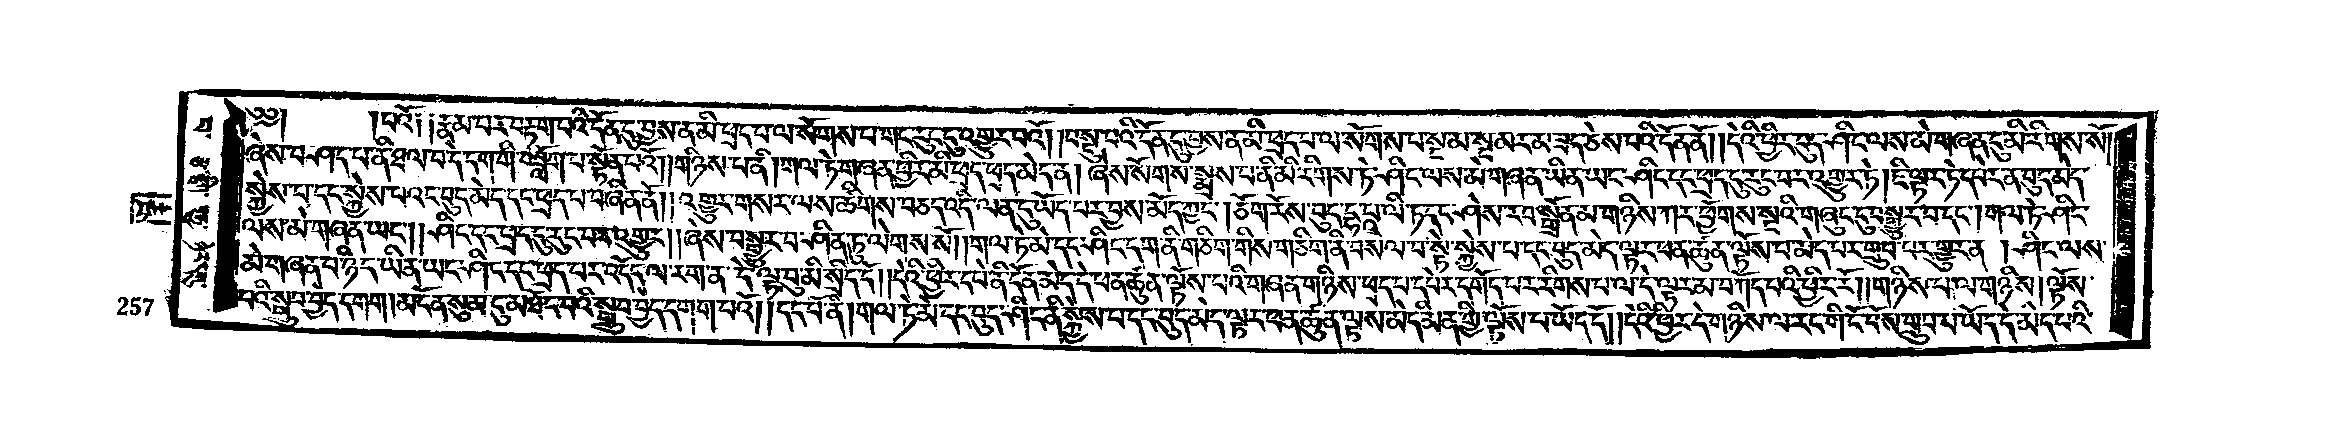༄༅། །པའོ༑ ༑རྣམ་པར་བརྟག་པའི་དོན་དུ་བྱས་ན་མི་ཕྲད་པ་ལ་སོགས་པ་གང་རུང་དུ་འགྱུར་བའོ། །བསྡུ་པའི་དོན་དུ་བྱས་ན་མི་ཕྲད་པ་ལ་སོགས་པ་སྔ་མ་སྔ་མར་མ་ཟད་ཅེས་པའི་དོན་ནོ། །དེའི་ཕྱིར་བུད་ཤིང་ལས་མེ་གཞན་དུ་མི་རིགས་སོ།
ཞེས་བཤད་པ་ནི་ཐལ་བ་དེ་དག་གི་བཟློག་པ་སྟོན་པའོ། །གཉིས་པ་ནི། གལ་ཏེ་གཞན་ཕྱིར་མི་ཕྲད་ཕྲད་མེད་ན། ཞེས་སོགས་སྨྲས་པ་ནི་མི་རིགས་ཏེ་ཤིང་ལས་མེ་གཞན་ཡིན་ཡང་ཤིང་དང་ཕྲད་དུ་རུང་བར་འགྱུར་ཏེ། ཇི་ལྟར་ཏེ་དཔེར་ན་བུད་མེད་
སྐྱེས་པ་དང་སྐྱེས་པའང་བུད་མེད་དང་ཕྲད་པ་བཞིན་ནོ། །འགྱུར་གསར་ལས་ཚིགས་བཅད་འདི་ལན་དུ་ཡོད་པར་བྱས་མོད་ཀྱང་། ཅོག་རོས་བུད་དྷ་པཱ་ལི་ཏ་དང་ཤེས་རབ་སྒྲོན་མ་གཉིས་ཀར་ཕྱོགས་སྔའི་གཞུང་ངུ་བསྒྱུར་བ་དང་། གལ་ཏེ་ཤིང་
ལས་མེ་གཞན་ཡང་། །ཤིང་དང་ཕྲད་དུ་རུང་བར་འགྱུར། །ཞེས་བསྒྱུར་བ་ཤིན་ཏུ་ལེགས་སོ། །གལ་ཏེ་མེ་དང་ཤིང་དག་ནི་གཅིག་གིས་གཅིག་ནི་བསལ་བ་སྟེ་སྐྱེས་པ་དང་བུད་མེད་ལྟར་ཕན་ཚུན་ལྟོས་པ་མེད་པར་གྲུབ་པར་གྱུར་ན། ཤིང་ལས་
མེ་གཞན་པ་ཉིད་ཡིན་ཡང་ཤིང་དང་ཕྲད་པར་འདོད་ལ་རག་ན་དེ་ལྟ་བུ་མི་སྲིད་དོ། །དེའི་ཕྱིར་དཔེ་ནི་དོན་མེད་དེ་ཕན་ཚུན་ལྟོས་པའི་གཞན་གཉིས་ཕྲད་པ་དཔེར་དགོད་པར་རིགས་པ་ལ་དེ་ལྟར་མ་བཀོད་པའི་ཕྱིར་རོ། །གཉིས་པ་ལ་གཉིས། ལྟོས་
པའི་སྒྲུབ་བྱེད་དགག །མངོན་སུམ་དུ་མཐོང་བའི་སྒྲུབ་བྱེད་དགག་པའོ། །དང་པོ་ནི། གལ་ཏེ་མེ་དང་བུད་ཤིང་ནི་སྐྱེས་པ་དང་བུད་མེད་ལྟར་ཕན་ཚུན་ལྟས་མེད་མིན་གྱི་ལྟོས་པ་ཡོད་དོ། །དེའི་ཕྱིར་དེ་གཉིས་ལ་རང་གི་ངོ་བོས་གྲུབ་པ་ཡོད་དེ་མེད་པའི་